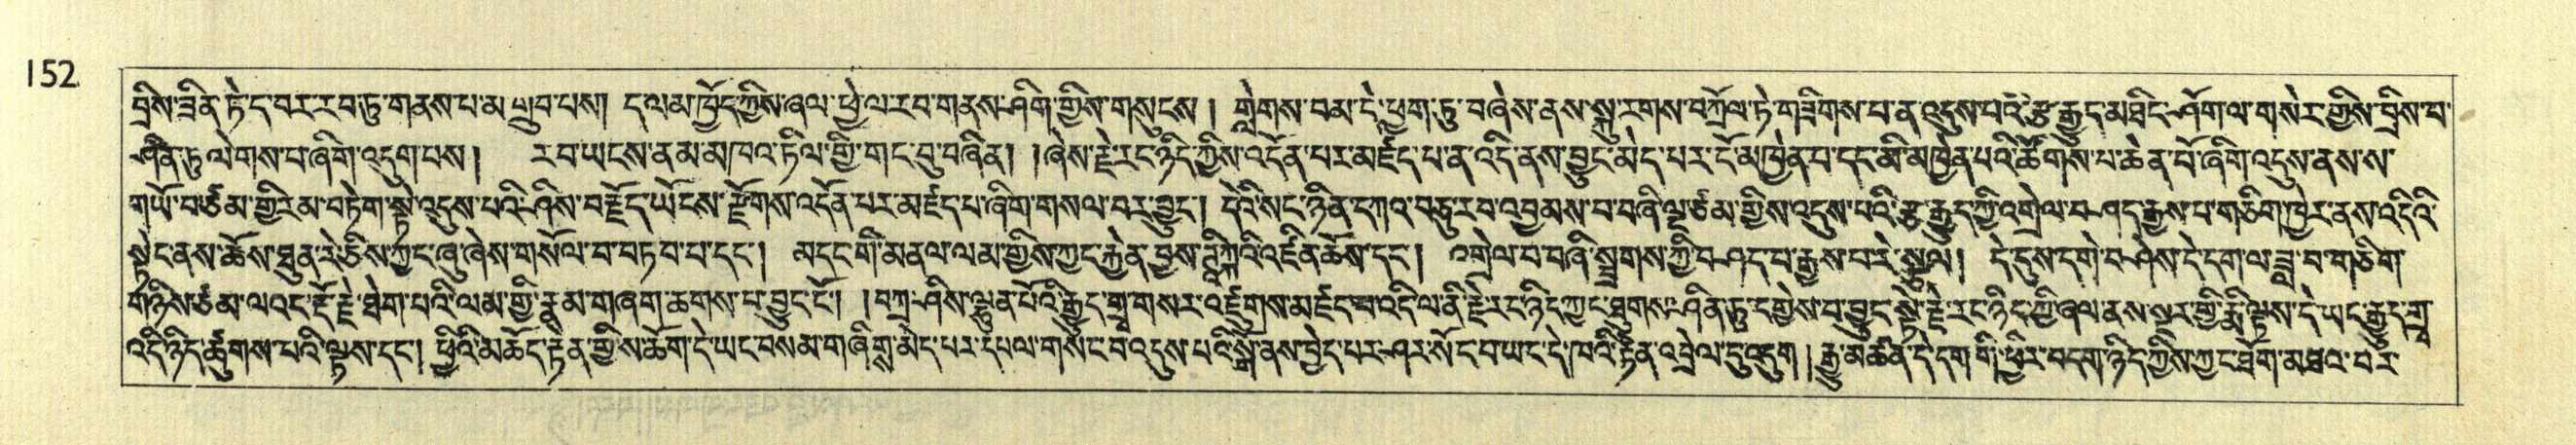བྲིས་ཟིན་ཏེ་ད་བར་རབ་ཏུ་གནས་པ་མ་གྲུབ་པས། ད་ལམ་ཁྱོད་ཀྱིས་ཞལ་ཕྱེ་ལ་རབ་གནས་ཤིག་གྱིས་གསུངས། གླེགས་བམ་དེ་ཕྱག་ཏུ་བཞེས་ནས་སྐུ་རགས་བཀྲོལ་ཏེ་གཟིགས་པ་ན་འདུས་པའི་རྩ་རྒྱུད་མཐིང་ཤོག་ལ་གསེར་གྱིས་བྲིས་པ་
ཤིན་ཏུ་ལེགས་པ་ཞིག་འདུག་པས། རབ་ཡངས་ནམ་མཁའ་ཏིལ་གྱི་གང་བུ་བཞིན། །ཞེས་རྗེ་རང་ཉིད་ཀྱིས་འདོན་པར་མཛད་པ་ན་འདི་ནས་བྱུང་མེད་པར་ངོ་མཁྱེན་པ་དང་མི་མཁྱེན་པའི་ཚོགས་པ་ཆེན་པོ་ཞིག་འདུས་ནས་ས་
གཡོ་བ་ཙམ་གྱི་རམ་བཏེག་སྟེ་འདུས་པའི་ཤིས་བརྗོད་ཡོངས་རྫོགས་འདོན་པར་མཛད་པ་ཞིག་གསལ་བར་བྱུང་། དེའི་སང་ཉིན་དཀའ་བཅུ་རབ་འབྱམས་པ་བཞི་ལྔ་ཙམ་གྱིས་འདུས་པའི་རྩ་རྒྱུད་ཀྱི་འགྲེལ་བཤད་རྒྱས་པ་གཅིག་ཁྱེར་ནས་འདིའི་
སྟེང་ནས་ཆོས་ཐུན་རེ་ཅིས་ཀྱང་ཞུ་ཞེས་གསོལ་བ་བཏབ་པ་དང་། མདང་གི་མནལ་ལམ་གྱིས་ཀྱང་རྐྱེན་བྱས་ཊཱིཀྐའི་འཛིན་ཆོས་དང་། འགྲེལ་བ་བཞི་སྦྲགས་ཀྱི་བཤད་པ་རྒྱས་བ་རེ་སྩལ། དེ་དུས་དགེ་བཤེས་དེ་དག་ལ་ཟླ་བ་གཅིག་
གཉིས་ཙམ་ལའང་རྡོ་རྗེ་ཐེག་པའི་ལམ་གྱི་རྣམ་གཞག་ཆགས་པ་བྱུང་ངོ། །བཀྲ་ཤིས་ལྷུན་པོའི་རྒྱུད་གྲྭ་གསར་འཛུགས་མཛད་པ་འདི་ལ་ནི་རྗེ་རང་ཉིད་ཀྱང་ཐུགས་ཤིན་ཏུ་དགྱེས་པ་བྱུང་སྟེ་རྗེ་རང་ཉིད་ཀྱི་ཞལ་ནས་སྔར་གྱི་རྨི་ལྟས་དེ་ཡང་རྒྱུད་གྲྭ་
འདི་ཉིད་ཚུགས་པའི་ལྟས་དང་། ཕྱིའི་མཆོད་རྟེན་གྱི་ས་ཆོག་དེ་ཡང་བསམ་གཞིགས་མེད་པར་དཔལ་གསང་བ་འདུས་པའི་སྒོ་ནས་བྱེད་པར་ཤར་སོང་བ་ཡང་དེ་ཁའི་རྟེན་འབྲེལ་དུ་འདུག །རྒྱུ་མཚན་དེ་དག་གི་ཕྱིར་བདག་ཉིད་ཀྱིས་ཀྱང་ཐོག་མཐའ་བར་